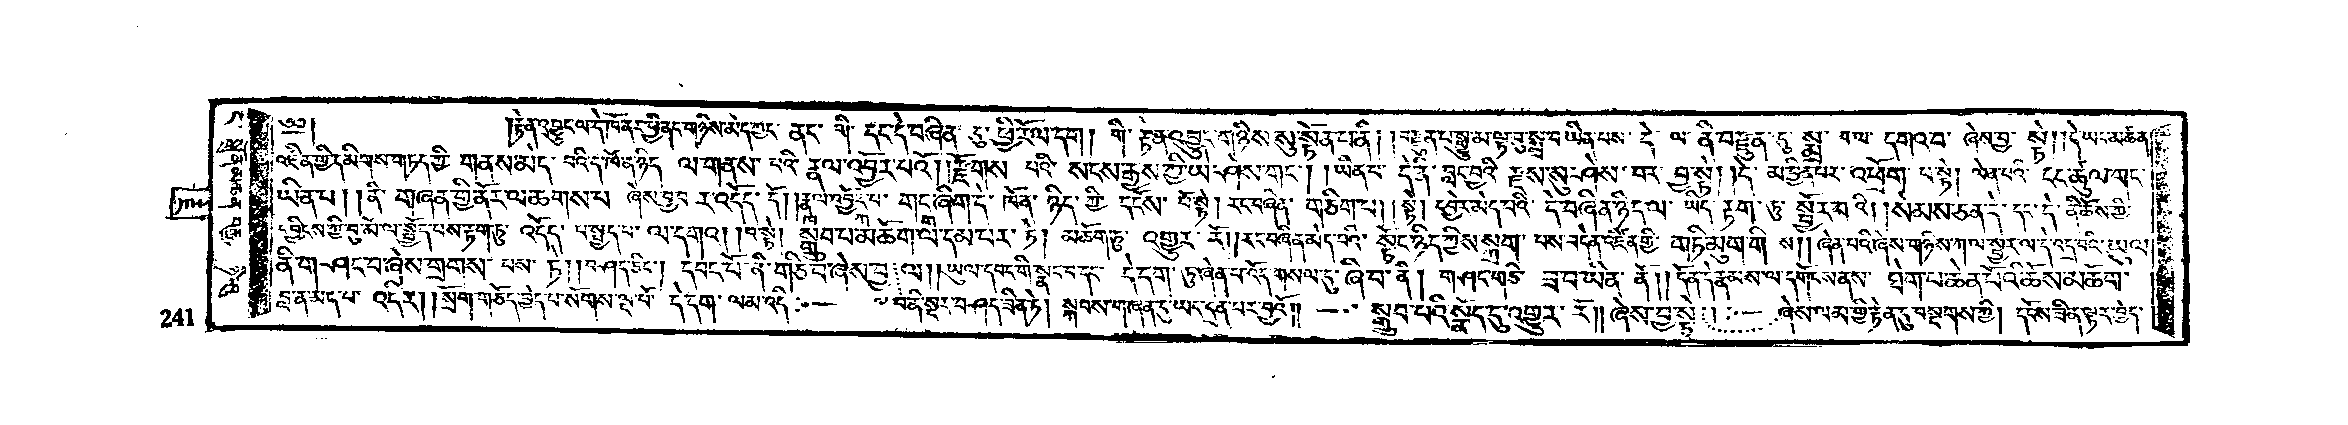༄༅། ། རྟེན་འབྱུང་ལ་དེ་ཁོ་ནར་ཕྱི་ནང་གཉིས་མེད་ཀྱང་ནང་གི་དང་དེ་བཞིན་དུ་ཕྱི་རོལ་དག ། གི་རྟེན་འབྱུང་གཉིས་སུ་སྟོན་པ་ནི། །བརྫུན་པ་སྒྱུ་མ་ལྟ་བུ་སྨྲ་བ་ཡིན་པས་དེ་ལ་ནི་བརྫུན་དུ་སྨྲ་བ་ལ་དགའ་བ་ཞེས་བྱ་སྟེ། །དེ་ཡང་མཚན་
འཛིན་གྱི་དམིགས་གཏད་ཀྱི་གནས་མེད་པའི་དེ་ཁོ་ན་ཉིད་ལ་གནས་པའི་རྣལ་འབྱོར་པའོ། །རྫོགས་པའི་སངས་རྒྱས་ཀྱི་ཡེ་ཤེས་གང་། །ཡིན་པ་དེ་ནི་བླང་བྱའི་རྫས་སུ་ཤེས་པར་བྱ་སྟེ། །དེ་མ་བྱིན་པར་འཕྲོག་པ་སྟེ། ལེན་པའི་ངང་ཚུལ་གང་
ཡིན་པ། །ནི་གཞན་གྱི་ནོར་ལ་ཆགས་པ་ཞེས་བྱ་བར་འདོད་དོ། །རྣལ་འབྱོར་པ་གང་ཞིག་དེ་ཁོ་ན་ཉིད་ཀྱི་དངོས་པོ་སྟེ། རང་བཞིན་གཅིག་པ། ། སྟེ། དབྱེར་མེད་པའི་དེ་བཞིན་ཉིད་ལ་ཡིད་རྟག་ཏུ་སྦྱར་བའི། །སེམས་ཅན་དེ་དང་དེ་ནི་ཆོས་ཀྱི་
དབྱིངས་ཀྱི་བུ་མོ་ལ་སྤྱོད་པས་རྟག་ཏུ་འདོད་པ་སྤྱད་པ་ལ་དགའ། །བ་སྟེ། སྒྲུབ་པ་མཆོག་ལ་དམ་པར་ཏེ། མཆོག་ཏུ་འགྱུར་རོ། །རང་བཞིན་མེད་པའི་སྟོང་ཉིད་ཀྱིས་སྐྲག་པས་བདེན་འཛིན་གྱི་གཏི་མུག་གིས། །ཞེས་པའི་ཞེས་གཉིས་ཀ་ལ་སྦྱར་ལ་དེ་འདྲ་བའི་ཡུལ་
ནི་གཤང་བ་ཞེས་གྲགས་པས་ཏེ། །བཤད་ཅིང་། དབང་པོ་ནི་གཅི་བ་ཞེས་བྱ་ལ། ། ཡུལ་དབང་གི་སྣང་བ་དང་དེ་དག་ཏུ་ཞེན་པ་འོད་གསལ་དུ་ཞི་བ་ནི། གཤང་གཅི་ཟ་བ་ཡིན་ནོ། །དོན་དེ་རྣམས་ལ་དགོངས་ནས་ཐེག་པ་ཆེན་པོའི་ཆོས་མཆོག་
བླ་ན་མེད་པ་འདིར། །སྲོག་གཅོད་བྱེད་པ་སོགས་ལྔ་པོ་དེ་དག་ལམ་འདིཿ་༧བ་ནི་སྔར་བཤད་ཟིན་ཏེ། སྐབས་གཞན་དུ་ཡང་དྲན་པར་བྱའོ།།  .Hསྒྲུབ་པའི་སྣོད་དུ་འགྱུར་རོ། །ཞེས་བྱ་སྟེ།H.་ཞེས་ལམ་གྱི་རྟེན་དུ་བསྔགས་ཀྱི། དངོས་ཟིན་ལྟར་བྱེད་